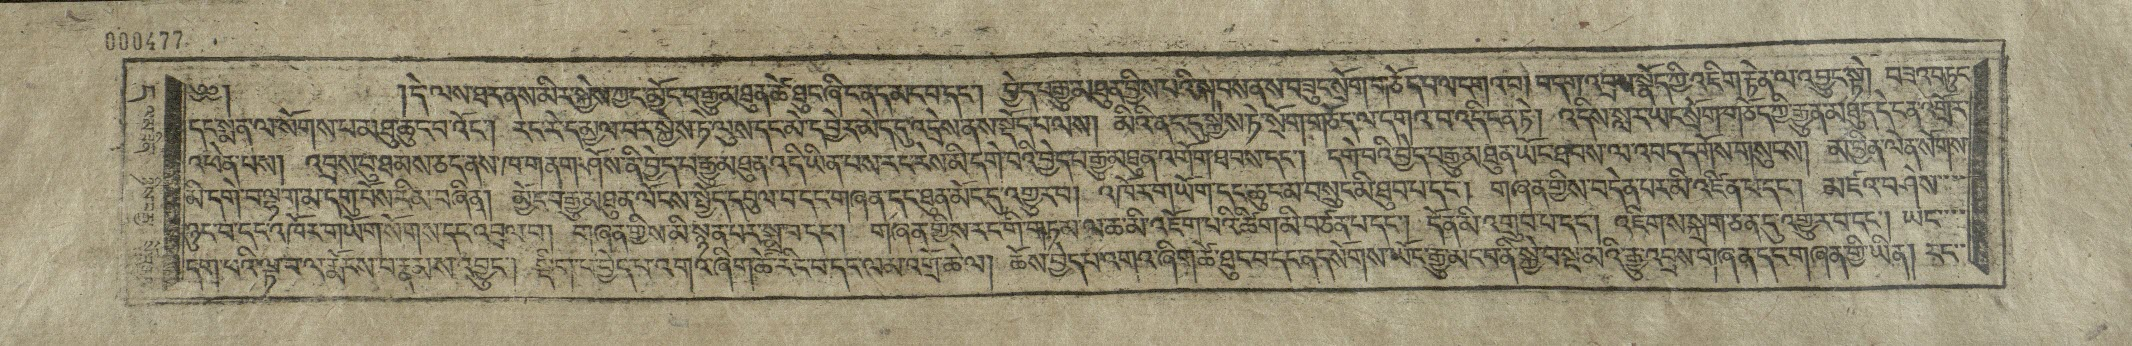༄༅། །དེ་ལས་ཐར་ནས་མིར་སྐྱེས་ཀྱང་མྱོང་བ་རྒྱུ་མཐུན་ཚེ་ཐུང་ཞིང་ནད་མང་བ་དང་། བྱེད་པ་རྒྱུ་མཐུན་བྱིས་པའི་སྐབས་ནས་བཟུང་སྲོག་གཅོད་པ་ལ་དགའ་བ། བདག་འབྲས་སྣོད་ཀྱི་འཇིག་རྟེན་ལ་འབྱུང་སྟེ། བཟའ་བཏུང་
དང་སྨན་ལ་སོགས་པ་མཐུ་ཆུང་བ་འོང་། རང་རེ་དམྱལ་བར་སྐྱེས་ཏེ་ལུས་དང་མེ་དབྱེར་མེད་དུ་འདྲེས་ནས་སྡོད་པ་ལས། མིའི་ནང་དུ་སྐྱེས་ཏེ་སྲོག་གཅོད་ལ་དགའ་བ་འདི་ངན་ཏེ། འདིས་སླར་ཡང་སྲོག་གཅོད་ཀྱི་རྒྱུན་མཐུན་དེ་ངན་འགྲོར་
འཕེན་པས། འབྲས་བུ་ཐམས་ཅད་ནས་ཁ་གནག་ཤོས་ནི་བྱེད་པ་རྒྱུ་མཐུན་འདི་ཡིན་པས་རང་རེས་མི་དགེ་བའི་བྱེད་པ་རྒྱུ་མཐུན་འགོག་ཐབས་དང་། དགེ་བའི་བྱེད་པ་རྒྱུ་མཐུན་ཡོང་ཐབས་ལ་འབད་དགོས་གསུངས། མ་བྱིན་ལེན་སོགས་
མི་དགེ་བ་ལྷག་མ་དགུ་པོས་རིམ་བཞིན། མྱོང་བ་རྒྱུ་མཐུན་ལོངས་སྤྱོད་དབུལ་བ་དང་གཞན་དང་ཐུན་མོང་དུ་འགྱུར་བ། འཁོར་གཡོག་དང་ཆུང་མ་བསྲུང་མི་ཐུབ་པ་དང་། གཞན་གྱིས་བདེན་པར་མི་འཛིན་པ་དང་། མཛའ་བཤེས་
ཉུང་བ་དང་འཁོར་གཡོག་སོགས་དང་འབྲལ་བ། གཞན་གྱིས་མི་སྙན་པར་སྨྲ་བ་དང་། གཞན་གྱིས་རང་གི་གཏམ་ལ་ཆ་མི་འཇོག་པའི་ཚིག་མི་བཙན་པ་དང་། དོན་མི་འགྲུབ་པ་དང་། འཇིགས་སྐྲག་ཅན་དུ་འགྱུར་བ་དང་། ཡང་
དག་པའི་ལྟ་བ་ལ་རྨོངས་པ་རྣམས་འབྱུང་། སྡིག་པ་བྱེད་པ་འགའ་ཞིག་ཚེ་རིང་བ་དང་ལམ་འགྲོ་ཆེ་ལ། ཆོས་བྱེད་པ་འགའ་ཞིག་ཚེ་ཐུང་བ་དང་ནད་སོགས་ཡོང་རྒྱུ་མང་བ་ནི་སྐྱེ་བ་སྔ་མའི་རྒྱུ་འབྲས་གཞན་དང་གཞན་གྱི་ཡིན། རང་